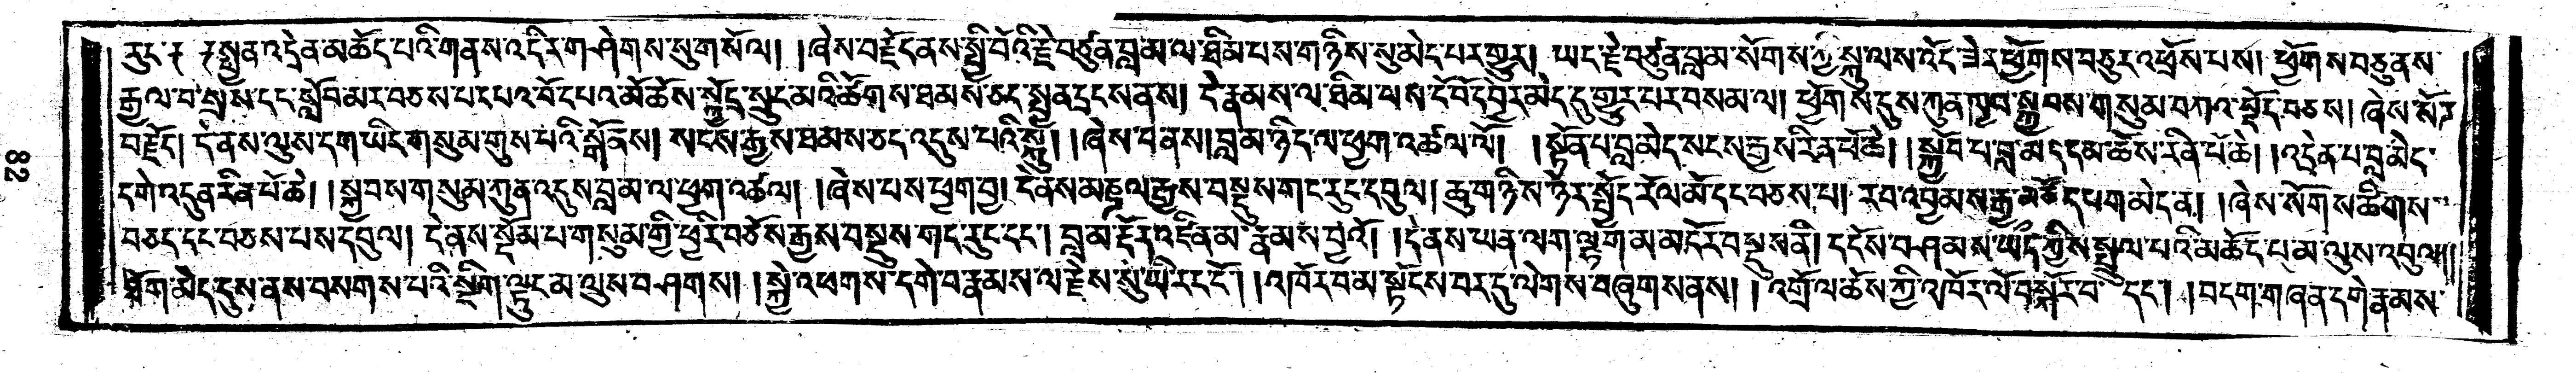རུང༑ ༑སྤྱན་འདྲེན་མཆོད་པའི་གནས་འདིར་གཤེགས་སུ་གསོལ། །ཞེས་བརྗོད་ནས་སྤྱི་བོའི་རྗེ་བཙུན་བླ་མ་ལ་ཐིམ་པས་གཉིས་སུ་མེད་པར་གྱུར། ཡང་རྗེ་བཙུན་བླ་མ་སོགས་ཀྱི་སྐུ་ལས་འོད་ཟེར་ཕྱོགས་བཅུར་འཕྲོས་པས། ཕྱོགས་བཅུ་ནས་
རྒྱལ་བ་སྲས་དང་སློབ་མར་བཅས་པ་དཔའ་བོ་དཔའ་མོ་ཆོས་སྐྱོད་སྲུང་མའི་ཚོགས་ཐམས་ཅད་སྤྱན་དྲངས་ནས། དེ་རྣམས་ལ་ཐིམ་ལས་ངོ་བོ་དབྱེར་མེད་དུ་གྱུར་པར་བསམ་ལ། ཕྱོགས་དུས་ཀུན་ཁྱབ་སྐྱབས་གསུམ་བཀའ་སྡོད་བཅས། ཞེས་སོཌ་
བརྗོད། དེ་ནས་ལུས་དག་ཡིད་གསུམ་གུས་པའི་སྒོ་ནས། སངས་རྒྱས་ཐམས་ཅད་འདུས་པའི་སྐུ། །ཞེས་པ་ནས། བླ་མ་ཉིད་ལ་ཕྱག་འཚལ་ལོ། །སྟོན་པ་བླ་མེད་སངས་རྒྱས་རིན་པོ་ཆེ། །སྐྱོབ་པ་བླ་མེད་དམ་ཆོས་རིན་པོ་ཆེ། །འདྲེན་པ་བླ་མེད་
དགེ་འདུན་རིན་པོ་ཆེ། །སྐྱབས་གསུམ་ཀུན་འདུས་བླ་མ་ལ་ཕྱག་འཚལ། །ཞེས་པས་ཕྱག་བྱ། དེ་ནས་མཎྜལ་རྒྱས་བསྡུས་གང་རུང་དབུལ། ཆུ་གཉིས་ཉེར་སྤྱོད་རོལ་མོ་དང་བཅས་པ། རབ་འབྱམས་རྒྱ་མཚོ་དཔག་མེད་ན། །ཞེས་སོགས་ཚིགས་
བཅད་དང་བཅས་པས་དབུལ། དེ་ནས་སྡོམ་པ་གསུམ་གྱི་ཕྱིར་བཅོས་རྒྱས་བསྡུས་གང་རུང་དང་། བླ་མ་རྡོར་འཛིན་མ་རྣམས་བྱའོ། །དེ་ནས་ཡན་ལག་ལྷག་མ་མདོར་བསྡུས་ནི། དངོས་བཤམས་ཡིད་ཀྱིས་སྤྲུལ་པའི་མཆོད་པ་མ་ལུས་འབུལ།།
ཐོག་མེད་དུས་ནས་བསགས་པའི་སྡིག་ལྟུང་མ་ལུས་བཤགས། །སྐྱེ་འཕགས་དགེ་བ་རྣམས་ལ་རྗེས་སུ་ཡི་རང་ངོ། །འཁོར་བ་མ་སྟོངས་བར་དུ་ལེགས་བཞུགས་ནས། འགྲོ་ལ་ཆོས་ཀྱི་འཁོར་ལོ་བསྐོར་བ་དང་། །བདག་གཞན་དགེ་རྣམས་